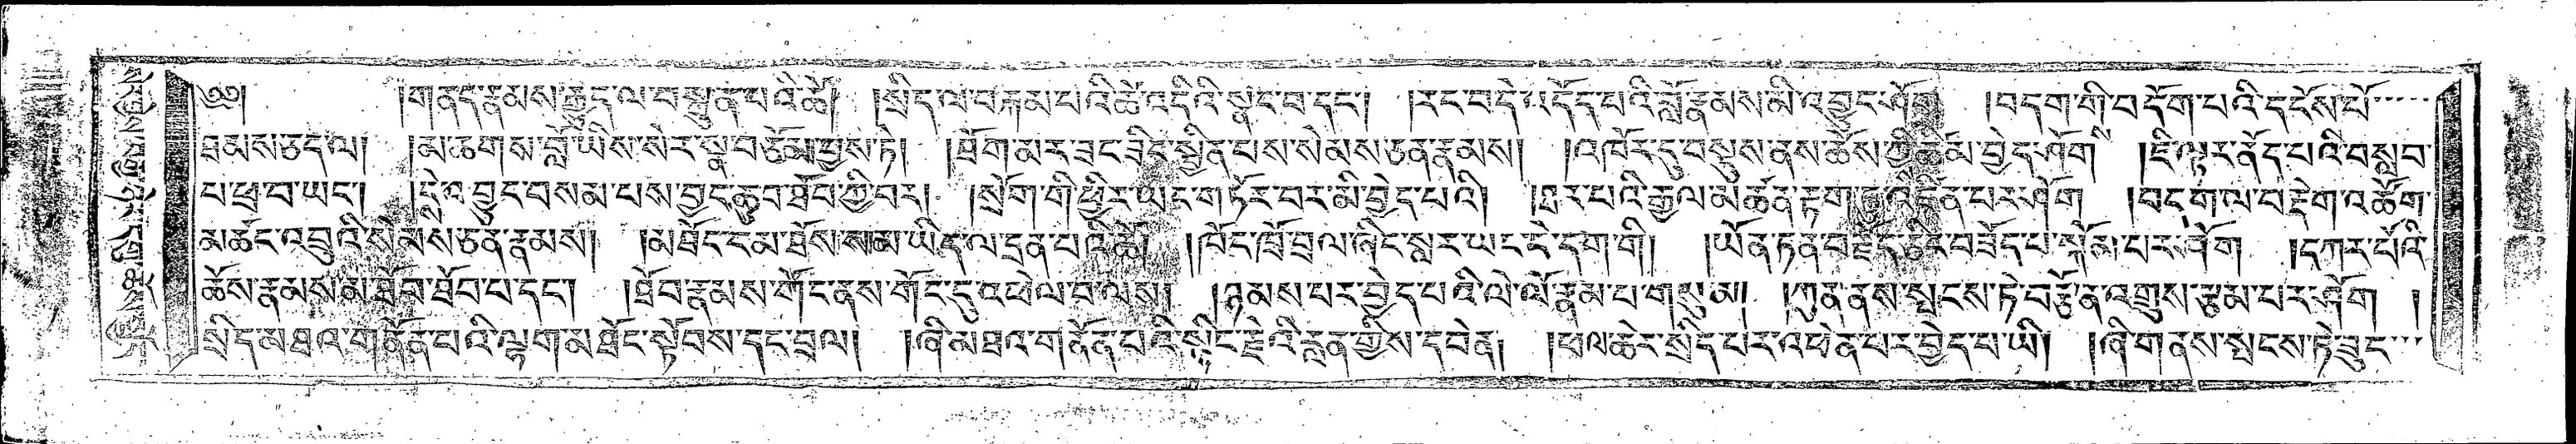༄༅། །གནད་རྣམས་རྒྱུད་ལ་བསྐྲུན་པའི་ཚེ། །སྲིད་ལ་བརྐམ་པའི་ཚེ་འདིའི་སྣང་བ་དང་། །རང་བདེ་འདོད་པའི་བློ་རྣམས་མི་འབྱུང་ཤོག །བདག་གིས་བདོག་པའི་དངོས་པོ་
ཐམས་ཅད་ལ། །མ་ཆགས་བློ་ཡིས་སེར་སྣ་བཅོམ་བྱས་ཏེ། །ཐོག་མར་ཟང་ཟིང་སྦྱིན་པས་སེམས་ཅན་རྣམས། །འཁོར་དུ་བསྡུས་ནས་ཆོས་ཀྱིས་ཚིམ་བྱེད་ཤོག །ཇི་ལྟར་ནོད་པའི་བསླབ་
པ་ཕྲ་བ་ཡང་། །ངེས་འབྱུང་བསམ་པས་བྱང་ཆུབ་ཐོབ་ཀྱི་བར། །སྲོག་གི་ཕྱིར་ཡང་གཏོར་བར་མི་བྱེད་པའི། །ཐར་པའི་རྒྱལ་མཚན་རྟག་ཏུ་འཛིན་པར་ཤོག །བདག་ལ་བརྡེག་འཚོག་
མཚང་འབྲུའི་སེམས་ཅན་རྣམས། །མཐོང་ངམ་ཐོས་སམ་ཡིད་ལ་དྲན་པའི་ཚེ། །ཁོང་ཁྲོ་བྲལ་ཞིང་སླར་ཡང་དེ་དག་གི། །ཡོན་ཏན་བརྗོད་ཅིང་བཟོད་པ་སྐོམ་པར་ཤོག །དཀར་པོའི་
ཆོས་རྣམས་མ་ཐོབ་ཐོབ་པ་དང་། །ཐོབ་རྣམས་གོང་ནས་གོང་དུ་འཕེལ་བ་ལས། །ཉམས་པར་བྱེད་པའི་ལེ་ལོ་རྣམ་པ་གསུམ། །ཀུན་ནས་སྤངས་ཏེ་བརྩོན་འགྲུས་རྩམ་པར་ཤོག །
སྲིད་མཐའ་གནོན་པའི་ལྷག་མཐོང་སྟོབས་དང་བྲལ། །ཞི་མཐའ་གནོན་པའི་སྙིང་རྗེའི་རླན་གྱིས་དབེན། །ཕལ་ཆེར་སྲིད་པར་འཕེན་པར་བྱེད་པ་ཡི། །ཞི་གནས་སྤངས་ཏེ་ཟུང་